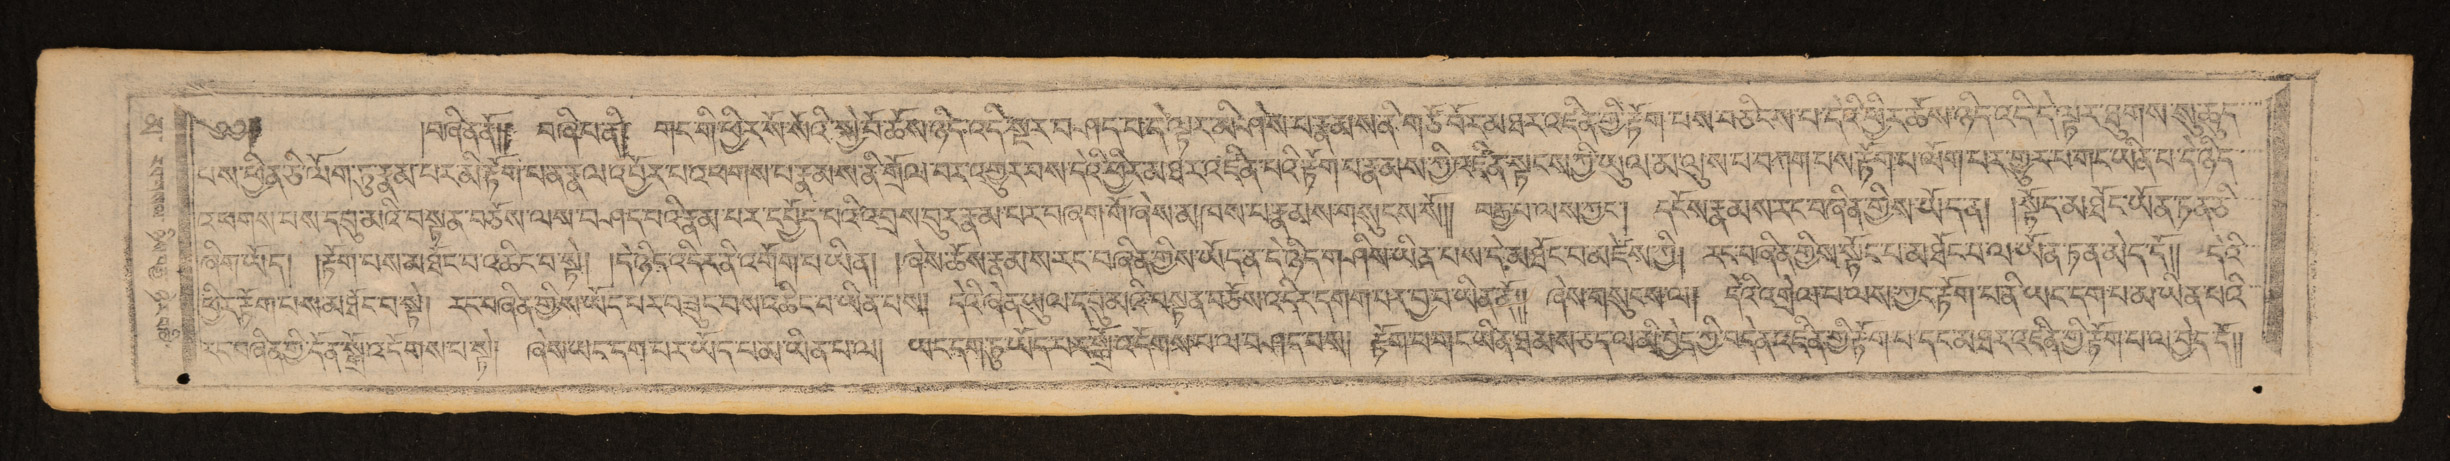༄༅། །བཞིན་ནོ།། བཞིན་པ་ནི། གང་གི་ཕྱིར་སོ་སོའི་སྐྱེ་བོ་ཆོས་ཉིད་འདི་སྔར་བཤད་པ་དེ་ལྟར་མི་ཤེས་པ་རྣམས་ནི་གཙོ་བོར་མཐར་འཛིན་གྱི་རྟོག་པས་བཅིངས་པ་དེའི་ཕྱིར་ཆོས་ཉིད་འདི་དེ་ལྟར་ཐུགས་སུ་ཆུད་
པས་ཕྱིན་ཅི་ལོག་ཏུ་རྣམ་པར་མི་རྟོག་པ་ན་རྣལ་འབྱོར་བ་འཕགས་པ་རྣམས་ནི་གྲོལ་བར་འགྱུར་བས་དེའི་ཕྱིར་མཐར་འཛིན་པའི་རྟོག་པ་རྣམས་ཀྱི་འཛིན་སྟངས་ཀྱི་ཡུལ་མ་ལུས་པ་བཀག་པས་རྟོག་པ་ལོག་པར་གྱུར་པ་གང་ཡིན་པ་དེ་ཉིད་
འཕགས་པས་དབུ་མའི་བསྟན་བཅོས་ལས་བཤད་པའི་རྣམ་པར་དཔྱོད་པའི་འབྲས་བུར་རྣམ་པར་བཞག་གོ་ཞེས་མཁས་པ་རྣམས་གསུངས་སོ།། བརྒྱ་པ་ལས་ཀྱང་། དངོས་རྣམས་རང་བཞིན་གྱིས་ཡོད་ན། །སྟོང་མཐོང་ཡོན་ཏན་ཅི་
ཞིག་ཡོད། །རྟོག་པས་མཐོང་བ་འཆིང་བ་སྟེ། །དེ་ཉིད་འདིར་ནི་འགོག་པ་ཡིན། །ཞེས་ཆོས་རྣམས་རང་བཞིན་གྱིས་ཡོད་ན་དེ་ཉིད་གཤིས་ཡིན་པས་དེ་མཐོང་བ་མཛེས་ཀྱི། རང་བཞིན་གྱིས་སྟོང་པ་མཐོང་བ་ལ་ཡོན་ཏན་མེད་དོ།། དེའི་
ཕྱིར་རྟོག་པས་མཐོང་བ་སྟེ། རང་བཞིན་གྱིས་ཡོད་པར་བཟུང་བས་འཆིང་བ་ཡིན་པས། དེའི་ཞེན་ཡུལ་དབུ་མའི་བསྟན་བཅོས་འདིར་དགག་པར་བྱ་བ་ཡིན་ནོ།། ཞེས་གསུངས་ལ། དེའི་འགྲེལ་པ་ལས་ཀྱང་རྟོག་པ་ནི་ཡང་དག་པ་མ་ཡིན་པའི་
རང་བཞིན་གྱི་དོན་སྒྲོ་འདོགས་པ་སྟེ། ཞེས་ཡང་དག་པར་ཡོད་པ་མ་ཡིན་པ་ལ། ཡང་དག་ཏུ་ཡོད་པར་སྒྲོ་འདོགས་པ་ལ་བཤད་པས། རྟོག་པ་གང་ཡིན་ཐམས་ཅད་ལ་མི་བྱེད་ཀྱི་བདེན་འཛིན་གྱི་རྟོག་པ་དང་མཐར་འཛིན་གྱི་རྟོག་པ་ལ་བྱེད་དོ།།